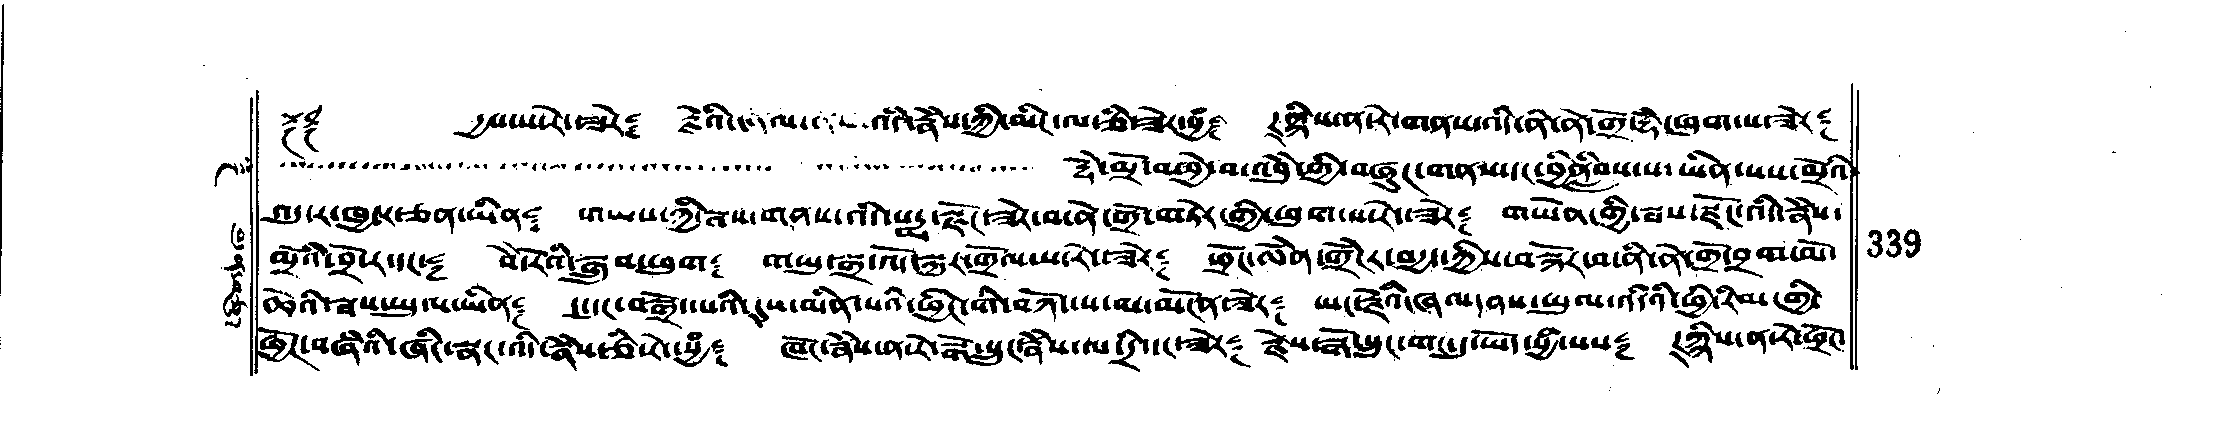རྒྱས་པ་རེད་ཟེར། རྗེའི་ཞལ་ནས་འདི་རྣམས་ཀྱི་མིང་ལ་ཅི་ཟེར་གསུང་། ཌཱཀྐིས་ན་རེ་གནས་འདི་ནི་ནེ་གྲོ་རྡོ་རྗེ་ཕུག་པ་ཟེར། 
 ་་་་་་་་་་་་་་་་་་་་་་་་་་་་་་་་་་་་་་་་་་་་་་་་་་་་་་རྡོ་རྗེ་མཁའ་འགྲོ་བ་བྱེ་བ་འབུམ་གྱི་བཞུགས་གནས་དང་བྱིན་གྱིས་རླབས་པ་ཡིན་པས་མཁའ་འགྲོའི་
འདུ་ར་ཁྱད་པར་ཅན་ཡིན། གཡས་ཀྱི་སྦས་གནས་འདི་པདྨ་རྫོང་ཟེར་བ་ནེ་གྲོ་གཏེར་གྱི་ཕུག་པ་རེད་ཟེར། གཡོན་གྱི་སྦས་རྫོང་འདི་རྣམས་
མཁའ་འགྲོའི་བྲོ་ར་དང་། བཻ་རོའི་སྒྲུབ་ཕུག གཡུ་སྒྲ་འོད་སྐུར་གྲོལ་པ་རེད་ཟེར། ཕོ་བྲང་ཆེན་པོ་གྲོང་ཁྱེར་བརྒྱད་ཀྱིས་བསྐོར་བ་ནི་ནེ་གྲོ་བྲག་མོ་
ཆེའི་སྦས་ཡུལ་ཡིན། ད་དུང་བགྲོད་པའི་དུས་མིན་པས་ཕྱི་ནང་གི་བཀོད་པ་མ་མངོན་ཟེར། ཡང་རྗེའི་ཞལ་ནས་ཡུལ་འདིའི་ཕྱི་རིམ་གྱི་
ཕྱོགས་བཞིའི་ཞིང་སྣང་འདི་རྣམས་ཅི་རེད་གསུང་། ཁོང་རྣམས་ན་རེ་སྒོ་སྲུང་རྣམས་ལ་དྲིས་དང་ཟེར། རྗེས་སྒོ་སྲུང་གང་དུ་ཡོད་གསུང་པས། ཌཱཀྐིས་ན་རེ་ཕོ་བྲང་